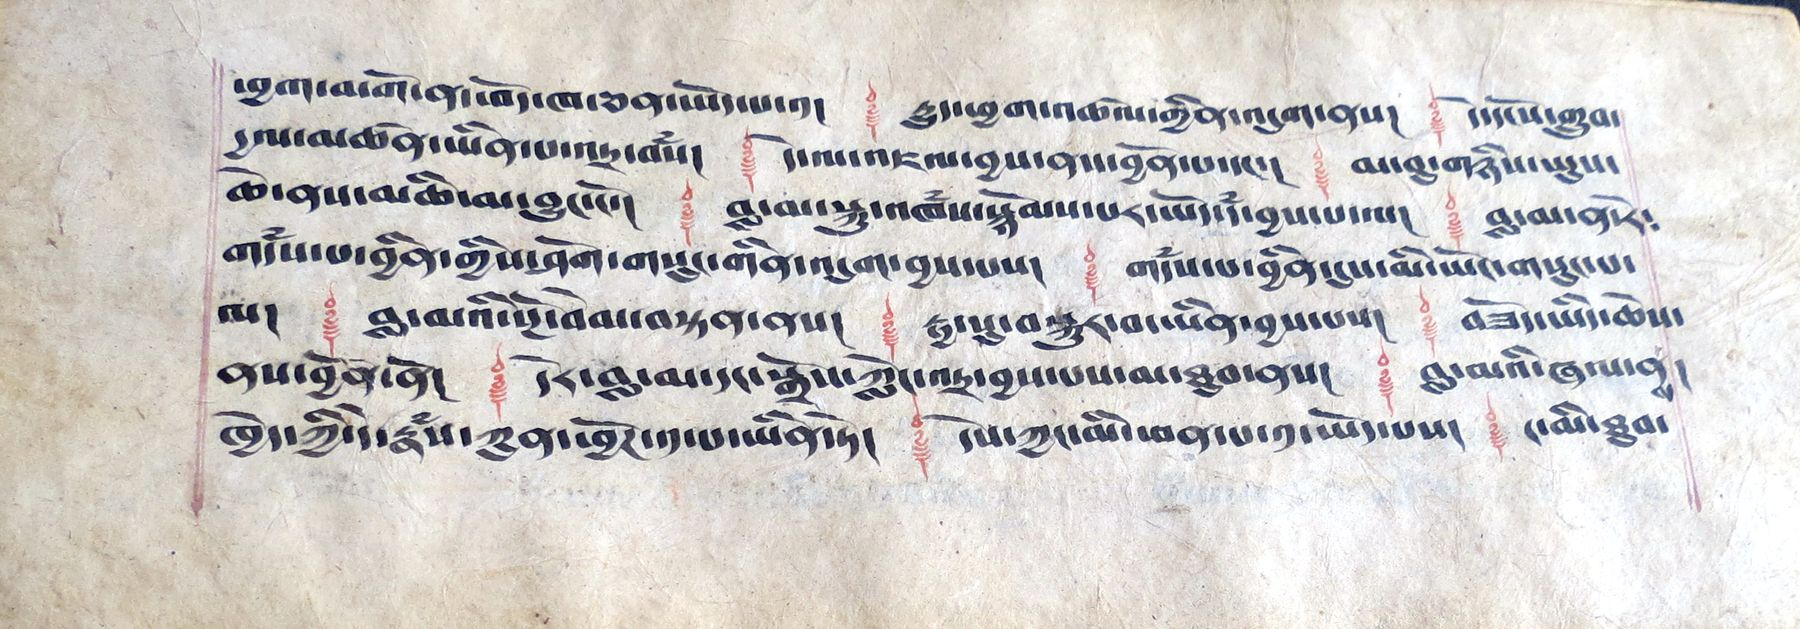ཕྱག་འགོ་ན་ཕོད་ཁ་ཅན་ཡོད་པ་ཞིག རྒྱུད་ཕྱག་འཚལ་གྱིན་འདུག་ན། དེ་དངོས་གྲུབ་
རྒྱལ་མཚན་ཡིན་པ་འདྲ་བསམ། དེ་ལ་མཇལ་ནས་བྱོན་པ་དང་། མ་བུ་གཉིས་ཡུས་
ཆེ་ནས་མཆི་མ་བྱུང་ངོ། བླ་མ་སྐུ་ཁམས་སྙོམས་པར་ཡོད་དམ་བྱས་པ་ལ། བླ་མས་ན་རེ། 
གདམས་པ་བྱིན་གྱི་ཤོག་གསུངས་གིན་འདུག་བྱས་པས། གདམས་པ་བྱིན་དུས་མི་ཡོང་གསུངས་པ་
ལ། བླ་མའི་སྔོ་བེམ་བསྟན་ནས་རྟགས་སུ་བསྐུར་བ་ཡིན་བྱས་པས། གཟོད་ཡིད་ཆེས་
ནས་བྱོན་ནོ། ། དེར་བླ་མ་དང་སྒྲོས་གླེང་འདྲ་བྱས་པས་མ་ཐུབ་ནས། བླ་མའི་ཞལ་ནས་
ཁྱོད་ཀྱི་དེ་རྣམས་ཀུན་ཕྱོགས་གཅིག་པ་ཡིན་ཏེ། དེས་ཀྱང་མི་ཕན་པ་ཞིག་ཡོད་པས་ང་མི་ཐུབ་